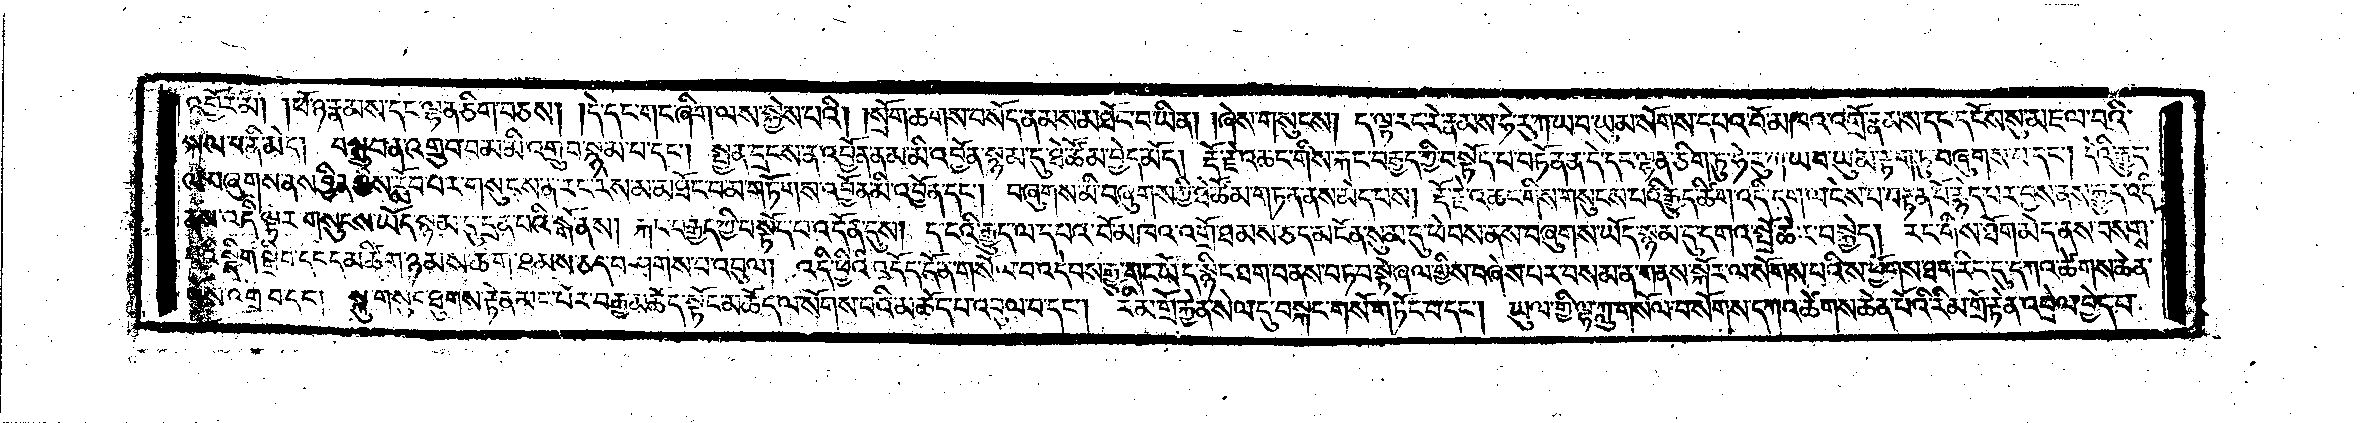འབྱོར་མ། །ཕོ་ཉ་རྣམས་དང་ལྷན་ཅིག་བཅས། །དེ་དང་གང་ཞིག་ལས་སྐྱེས་པའི། །སྲོག་ཆགས་བསོད་ནམས་མཐོང་བ་ཡིན། །ཞེས་གསུངས། དེ་ལྟ་རང་རེ་རྣམས་ཧེ་རུ་ཀ་ཡབ་ཡུམ་སོགས་དཔའ་བོ་མཁའ་འགྲོ་རྣམས་དང་དངོས་སུ་མཇལ་བའི་
སྐལ་བ་ནི་མེད། བསྒྲུབ་ན་འགྲུབ་བམ་མི་འགྲུབ་སྙམ་པ་དང་། སྤྱན་དྲངས་ན་འབྱོན་ནམ་མི་འབྱོན་སྙམ་དུ་ཐེ་ཚོམ་བྱེད་མོད། རྡོ་རྗེ་འཆང་གིས་རྐང་བརྒྱད་ཀྱི་བསྟོད་པ་བཏོན་ན་དེ་དང་ལྷན་ཅིག་ཏུ་ཧེ་རུ་ཀ་ཡབ་ཡུམ་རྟག་ཏུ་བཞུགས་པ་དང་། དེའི་རྒྱུད་
ལ་བཞུགས་ནས་བྱིན་གྱིས་རློབ་པར་གསུངས་ན་རང་རེས་མ་མཐོང་བ་མ་གཏོགས་འབྱོན་མི་འབྱོན་དང་། བཞུགས་མི་བཞུགས་ཀྱི་ཐེ་ཚོམ་གཏན་ནས་མེད་པས། རྡོ་རྗེ་འཆང་གིས་གསུངས་པའི་རྒྱུད་ཚིག་འདི་དག་ལ་ངེས་པ་བརྟན་པོ་རྙེད་པར་བྱས་ནས་རྒྱུད་འདི་
ནས་འདི་ལྟར་གསུངས་ཡོད་སྙམ་དུ་དྲན་པའི་སྒོ་ནས། རྐང་བརྒྱད་ཀྱི་བསྟོད་པ་འདོན་དུས། ད་ངའི་རྒྱུད་ལ་དཔའ་བོ་མཁའ་འགྲོ་ཐམས་ཅད་མངོན་སུམ་དུ་ཕེབས་ནས་བཞུགས་ཡོད་སྙམ་དུ་དགའ་སྤྲོ་ཆེར་བསྐྱེད། རང་གིས་ཐོག་མེད་ནས་བསགས་
པའི་སྡིག་སྒྲིབ་དང་དམ་ཚིག་ཉམས་ཆག་ཐམས་ཅད་བཤགས་པ་འབུལ། འདི་ཕྱིའི་འདོད་དོན་གསོལ་བ་འདེབས་རྒྱུ་གང་ཡོད་སྙིང་ཐག་པ་ནས་བཏབ་སྟེ་ཞལ་གྱིས་བཞེས་པར་བསམ་ན་གནས་སྐོར་ལ་སོགས་པའི་ས་ཕྱོགས་ཐག་རིང་དུ་དཀའ་ཚེགས་ཆེན་
པོས་འགྲོ་བ་དང་། སྐུ་གསུང་ཐུགས་རྟེན་མང་པོར་བརྒྱ་མཆོད་སྟོང་མཆོད་ལ་སོགས་པའི་མཆོད་པ་འབུལ་བ་དང་། རིམ་གྲོ་རྐྱེན་སེལ་དུ་བསྐང་གསོ་གཏོང་བ་དང་། ཡུལ་གྱི་ལྷ་ཀླུ་གསོལ་བ་སོགས་དཀའ་ཚེགས་ཆེན་པོའི་རིམ་གྲོ་རྟེན་འབྲེལ་བྱེད་པ་